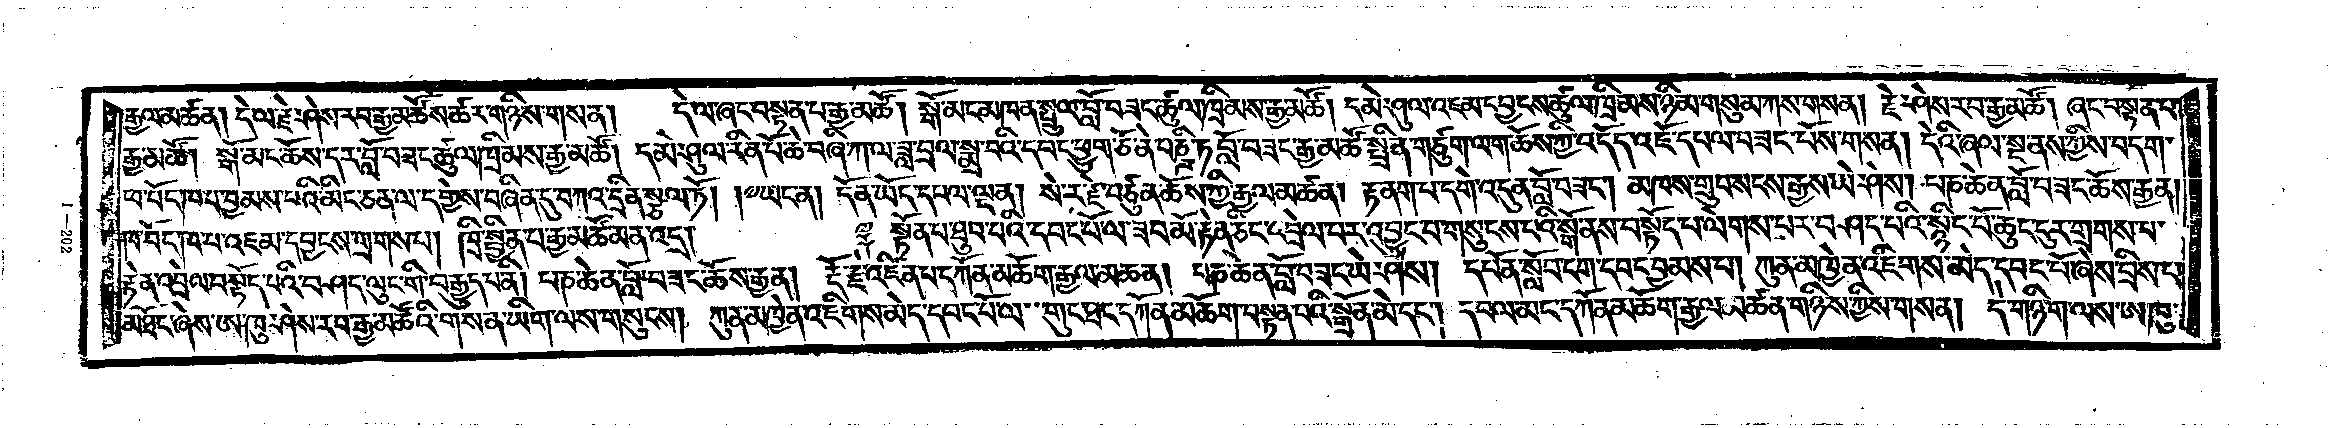རྒྱལ་མཚན། དེ་ལ་རྗེ་ཤེས་རབ་རྒྱ་མཚོས་ཚར་གཉིས་གསན། དེ་ལ་ཞང་བསྟན་པ་རྒྱ་མཚོ། སྒོ་མང་མཁན་སྤྲུལ་བློ་བཟང་ཚུལ་ཁྲིམས་རྒྱ་མཚོ། དམེ་ཤུལ་འཇམ་དབྱངས་ཚུལ་ཁྲིམས་ཉི་མ་གསུམ་ཀས་གསན། རྗེ་ཤེས་རབ་རྒྱ་མཚོ། ཞང་བསྟན་པ་
རྒྱ་མཚོ། སྒོ་མང་ཆོས་དར་བློ་བཟང་ཚུལ་ཁྲིམས་རྒྱ་མཚོ། དམེ་ཤུལ་རིན་པོ་ཆེ་བཞི་ཀ་ལ་ཟླ་བྲལ་སྨྲ་བའི་དབང་ཕྱུག་ཅོ་ནེ་པཎྜི་ཏ་བློ་བཟང་རྒྱ་མཚོ་སྤྲིན་གཙུག་ལག་ཆོས་ཀྱི་འདོད་འཇོ་དཔལ་བཟང་པོས་གསན། དེའི་ཞལ་སྔ་ནས་ཀྱིས་བདག་
ཕ་པོང་ཁ་པ་བྱམས་པའི་མིང་ཅན་ལ་དགྱེས་བཞིན་དུ་བཀའ་དྲིན་སྩལ་ཏོ། །༧ཡང་ན། དོན་ཡོད་དཔལ་ལྡན། སེ་ར་རྗེ་བཙུན་ཆོས་ཀྱི་རྒྱལ་མཚན། རྟ་ནག་པ་དགེ་འདུན་བློ་བཟང་། མཁས་གྲུབ་སངས་རྒྱས་ཡེ་ཤེས། པཎ་ཆེན་བློ་བཟང་ཆོས་རྒྱན།
ཁ་བོང་ཁ་པ་འཇམ་དབྱངས་གྲགས་པ། ཁྲི་སྦྱིན་པ་རྒྱ་མཚོ་མན་འདྲ། འ་སྟོན་པ་ཐུབ་པའི་དབང་པོ་ལ་ཟབ་མོ་རྟེན་ཅིང་འབྲེལ་བར་འབྱུང་བ་གསུངས་པའི་སྒོ་ནས་བསྟོད་པ་ལེགས་པར་བཤད་པའི་སྙིང་པོ་ཆུང་ངུར་གྲགས་པ་
རྟེན་འབྲེལ་བསྟོད་པའི་བཤད་ལུང་གི་བརྒྱུད་པ་ནི། པཎ་ཆེན་བློ་བཟང་ཆོས་རྒྱན། རྡོ་རྗེ་འཛིན་པ་དཀོན་མཆོག་རྒྱལ་མཆན། པཎ་ཆེན་བློ་བཟང་ཡེ་ཤེས། དཔོན་སློབ་ངག་དབང་བྱམས་པ། ཀུན་མཁྱེན་འཇིགས་མེད་དབང་པོ་ཞེས་བྲིས་པ་
མཐོང་ཞེས་ཨ་ཁུ་ཤེས་རབ་རྒྱ་མཚོའི་གསན་ཡིག་ལས་གསུངས། ཀུན་མཁྱེན་འཇིགས་མེད་དབང་པོ་ལ་གུང་ཐང་དཀོན་མཆོག་བསྟན་པའི་སྒྲོན་མེ་དང་། དབལ་མང་དཀོན་མཆོག་རྒྱལ་མཚན་གཉིས་ཀྱིས་གསན། དེ་གཉི་ག་ལས་ཨ་ཁུ་